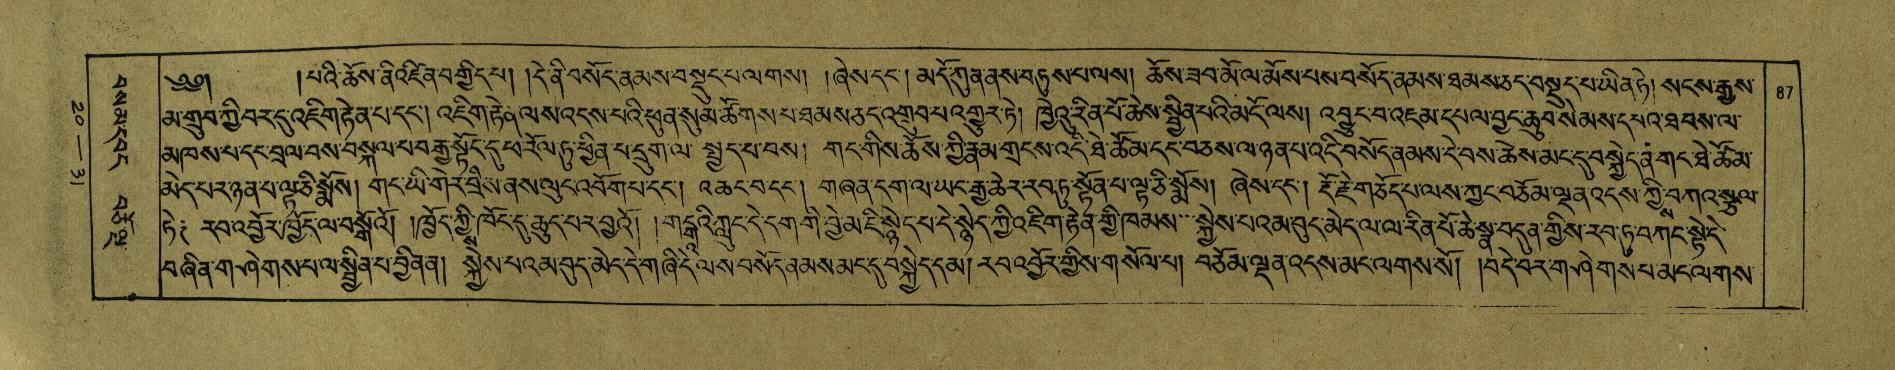༄༅། །པའི་ཆོས་ནི་འཛིན་བགྱིད་པ། །དེ་ནི་བསོད་ནམས་བསྡུད་པ་ལགས། །ཞེས་དང་། མདོ་ཀུན་ནས་བཏུས་པ་ལས། ཆོས་ཟབ་མོ་ལ་མོས་པས་བསོད་ནམས་ཐམས་ཅད་བསྡུད་པ་ཡིན་ཏེ། སངས་རྒྱས་
མ་གྲུབ་ཀྱི་བར་དུ་འཇིག་རྟེན་པ་དང་། འཇིག་རྟེན་ལས་འདས་པའི་ཕུན་སུམ་ཚོགས་པ་ཐམས་ཅད་འགྲུབ་པ་འགྱུར་ཏེ། ཁྱེའུ་རིན་པོ་ཆེས་སྦྱིན་པའི་མདོ་ལས། འབྱུང་བ་འཇམ་དཔལ་བྱང་ཆུབ་སེམས་དཔའ་ཐབས་ལ་
མཁས་པ་དང་བྲལ་བས་བསྐལ་པ་བརྒྱ་སྟོང་དུ་ཕ་རོལ་ཏུ་ཕྱིན་པ་དྲུག་ལ་སྤྱད་པ་བས། གང་གིས་ཆོས་ཀྱི་རྣམ་གྲངས་འདི་ཐེ་ཚོམ་དང་བཅས་ལ་ཉན་པ་འདི་བསོད་ནམས་དེ་བས་ཆེས་མང་དུ་བསྐྱེད་ན་གང་ཐེ་ཚོམ་
མེད་པར་ཉན་པ་ལྟ་ཅི་སྨོས། གང་ཡི་གེར་བྲིས་ནས་ལུང་འབོག་པ་དང་། འཆང་བ་དང་། གཞན་དག་ལ་ཡང་རྒྱ་ཆེར་རབ་ཏུ་སྟོན་པ་ལྟ་ཅི་སྨོས། ཞེས་དང་། རྡོ་རྗེ་གཅོད་པ་ལས་ཀྱང་བཅོམ་ལྡན་འདས་ཀྱིས་བཀའ་སྩལ་
ཏེ༑ རབ་འབྱོར་ཁྱོད་ལ་བསྒོའོ། །ཁྱོད་ཀྱིས་ཁོང་དུ་ཆུད་པར་བྱའོ། །གངྒཱའི་ཀླུང་དེ་དག་གི་བྱེ་མ་ཇི་སྙེད་པ་དེ་སྙེད་ཀྱི་འཇིག་རྟེན་གྱི་ཁམས་སྐྱེས་པའམ་བུད་མེད་ལ་ལ་རིན་པོ་ཆེ་སྣ་བདུན་གྱིས་རབ་ཏུ་བཀང་སྟེ་དེ་
བཞིན་གཤེགས་པ་ལ་སྦྱིན་པ་བྱིན་ན། སྐྱེས་པའམ་བུད་མེད་དེ་གཞི་དེ་ལས་བསོད་ནམས་མང་དུ་བསྐྱེད་དམ། རབ་འབྱོར་གྱིས་གསོལ་པ། བཅོམ་ལྡན་འདས་མང་ལགས་སོ། །བདེ་བར་གཤེགས་པ་མང་ལགས་